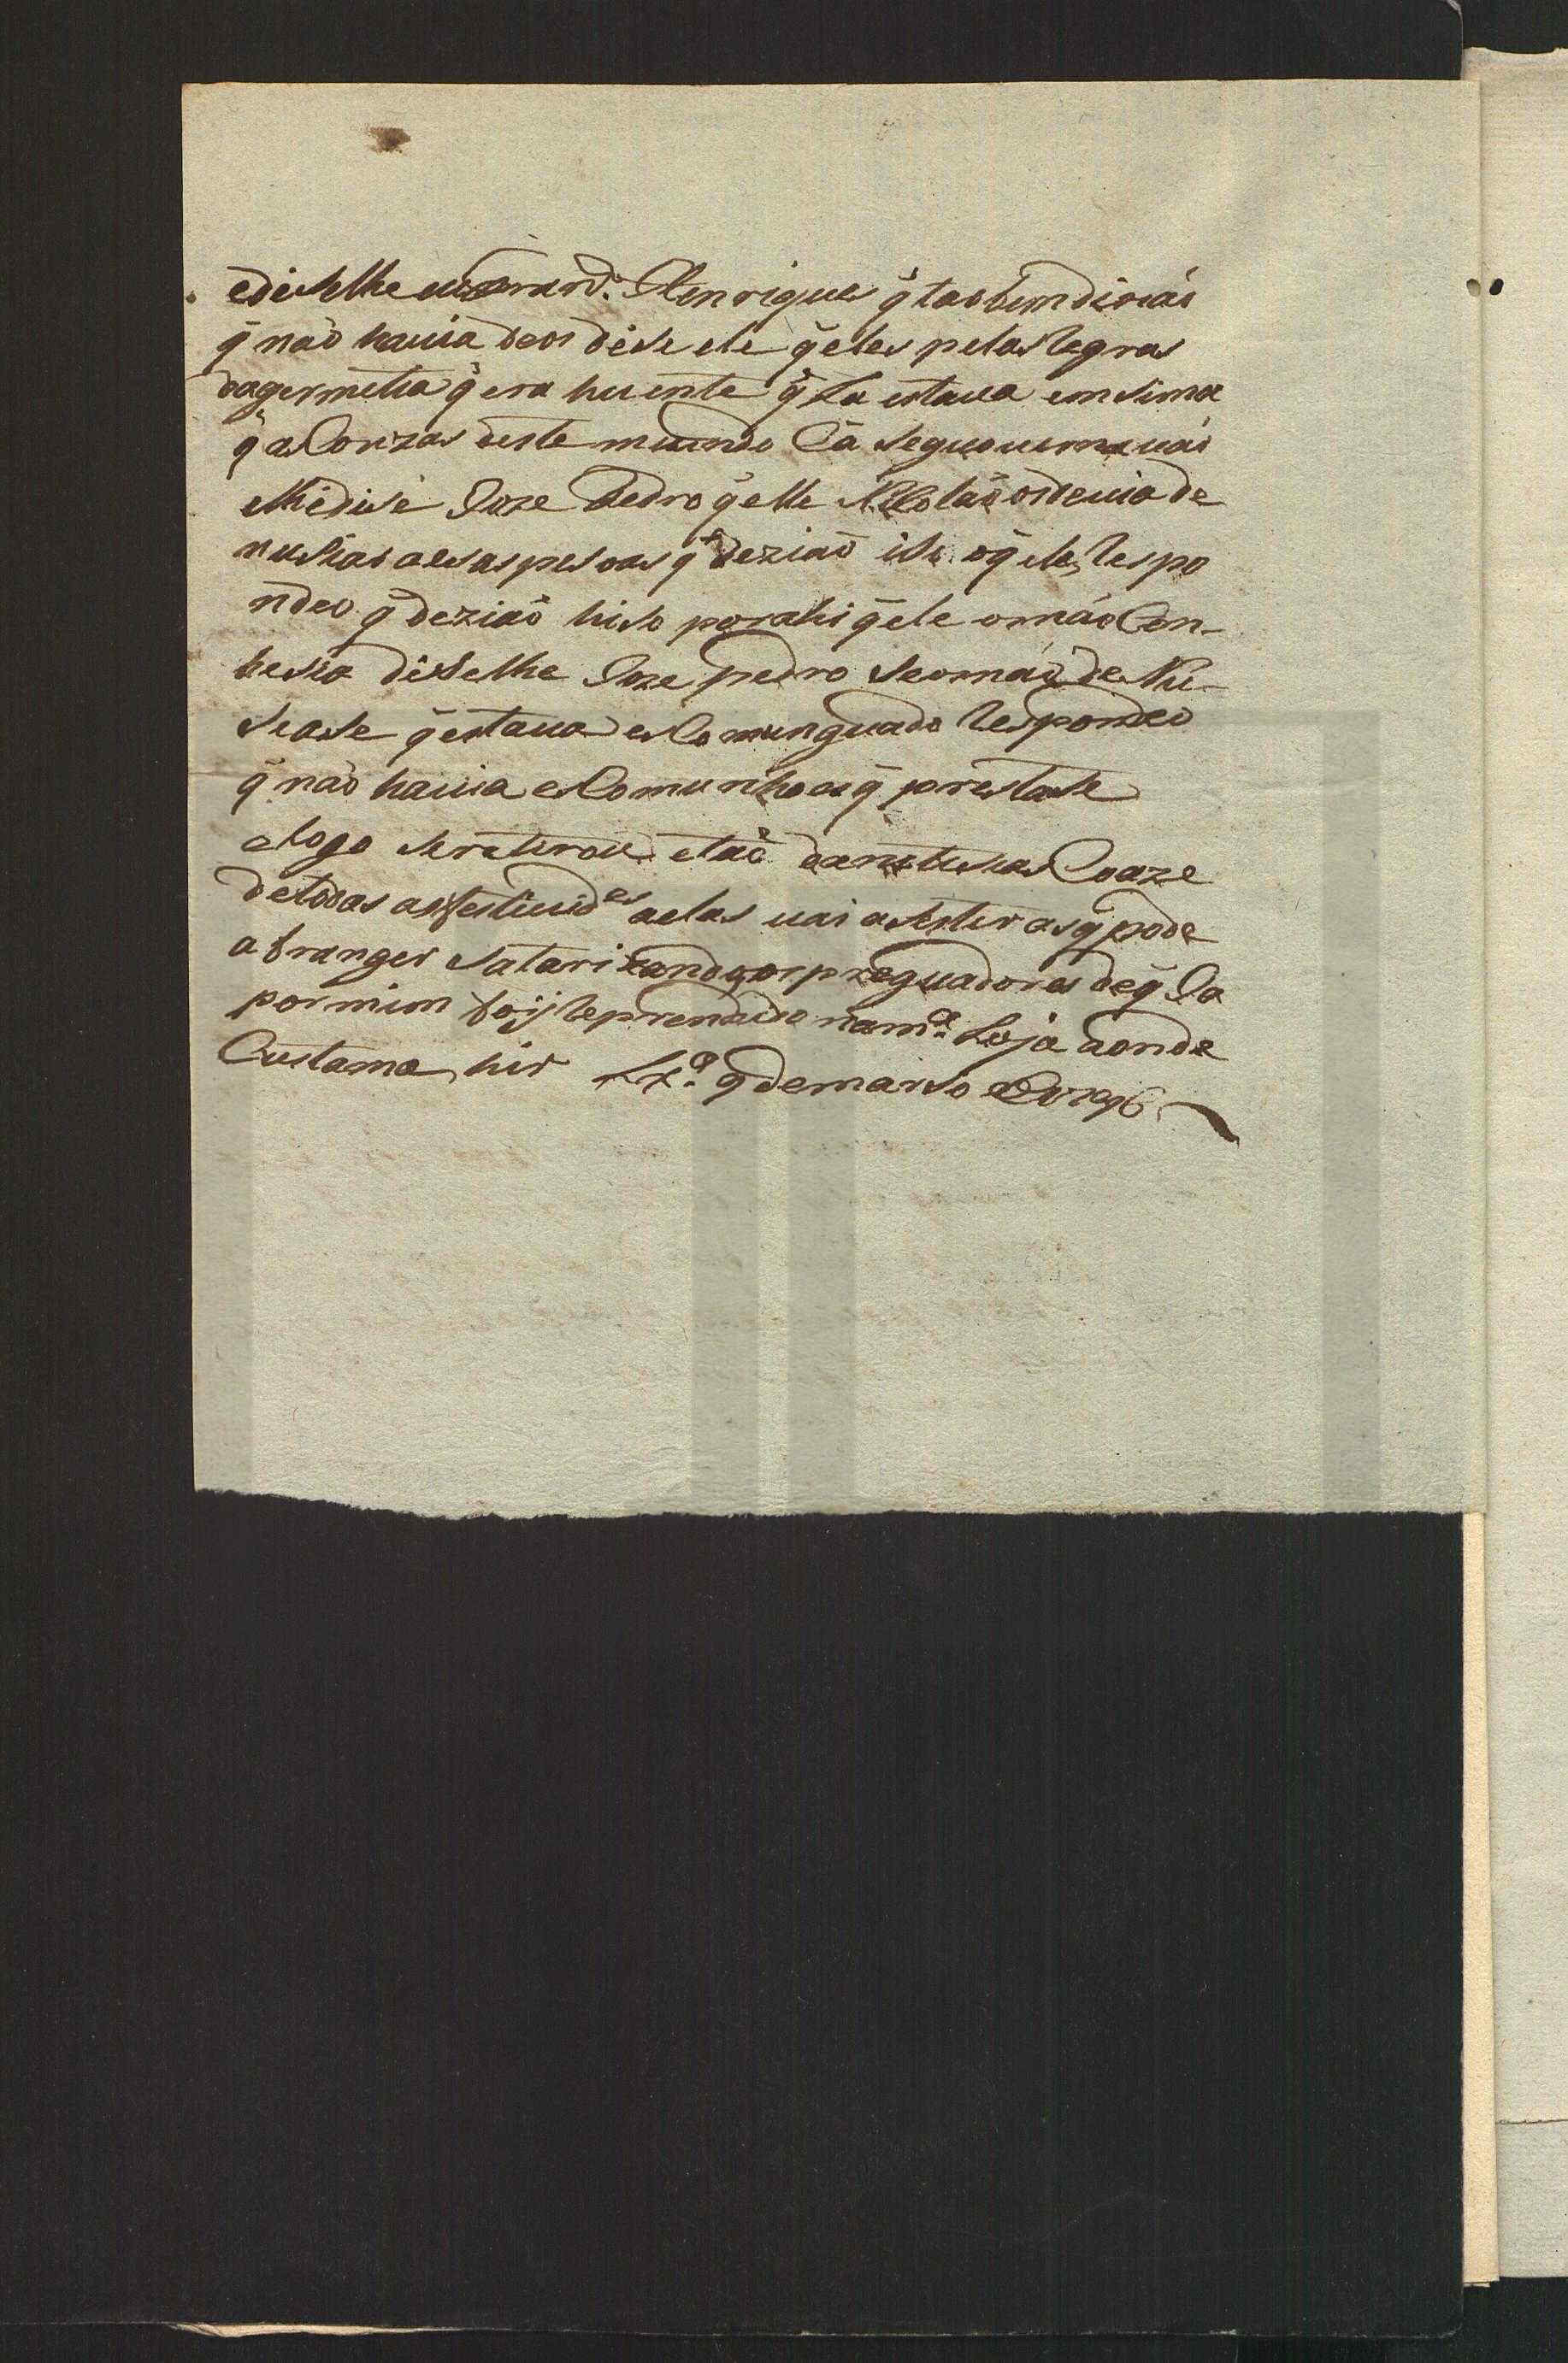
e diselhe eu Fran.co Henriques q̄ taobem disiaõ
q̄ naõ hauia deos dise ele q̄ eles pelas Regras
da germetia q̄ era hu ente q̄ La estaua em sima
q̄ a Couzas deste mundo Cá se guouernauaõ
e lhe dise Ioze Pedro q̄ elle Nicolaó os deuia de
nusiar a esas pesoas q̄ deziaõ iso: o q̄ ele Respo
ndeo q̄ deziaõ hiso por ahi q̄ ele os naõ Con
hesia dêselhe Ioze pedro se o máo deNū
sease q̄ estaua esComunguado Respondeo
q̄ naõ hauia esComunhoes q̄ prestase
e logo se retirou e taõ da notesias Coaze
de todas as festiuid.es a elas uai asester as q̄ pode
abranger satarizando os preguadores de q̄ Ia
por mim foy Reprendido na m.e Loja aonde
Custama hir Lx.a 9 de marso d̄ 1796
